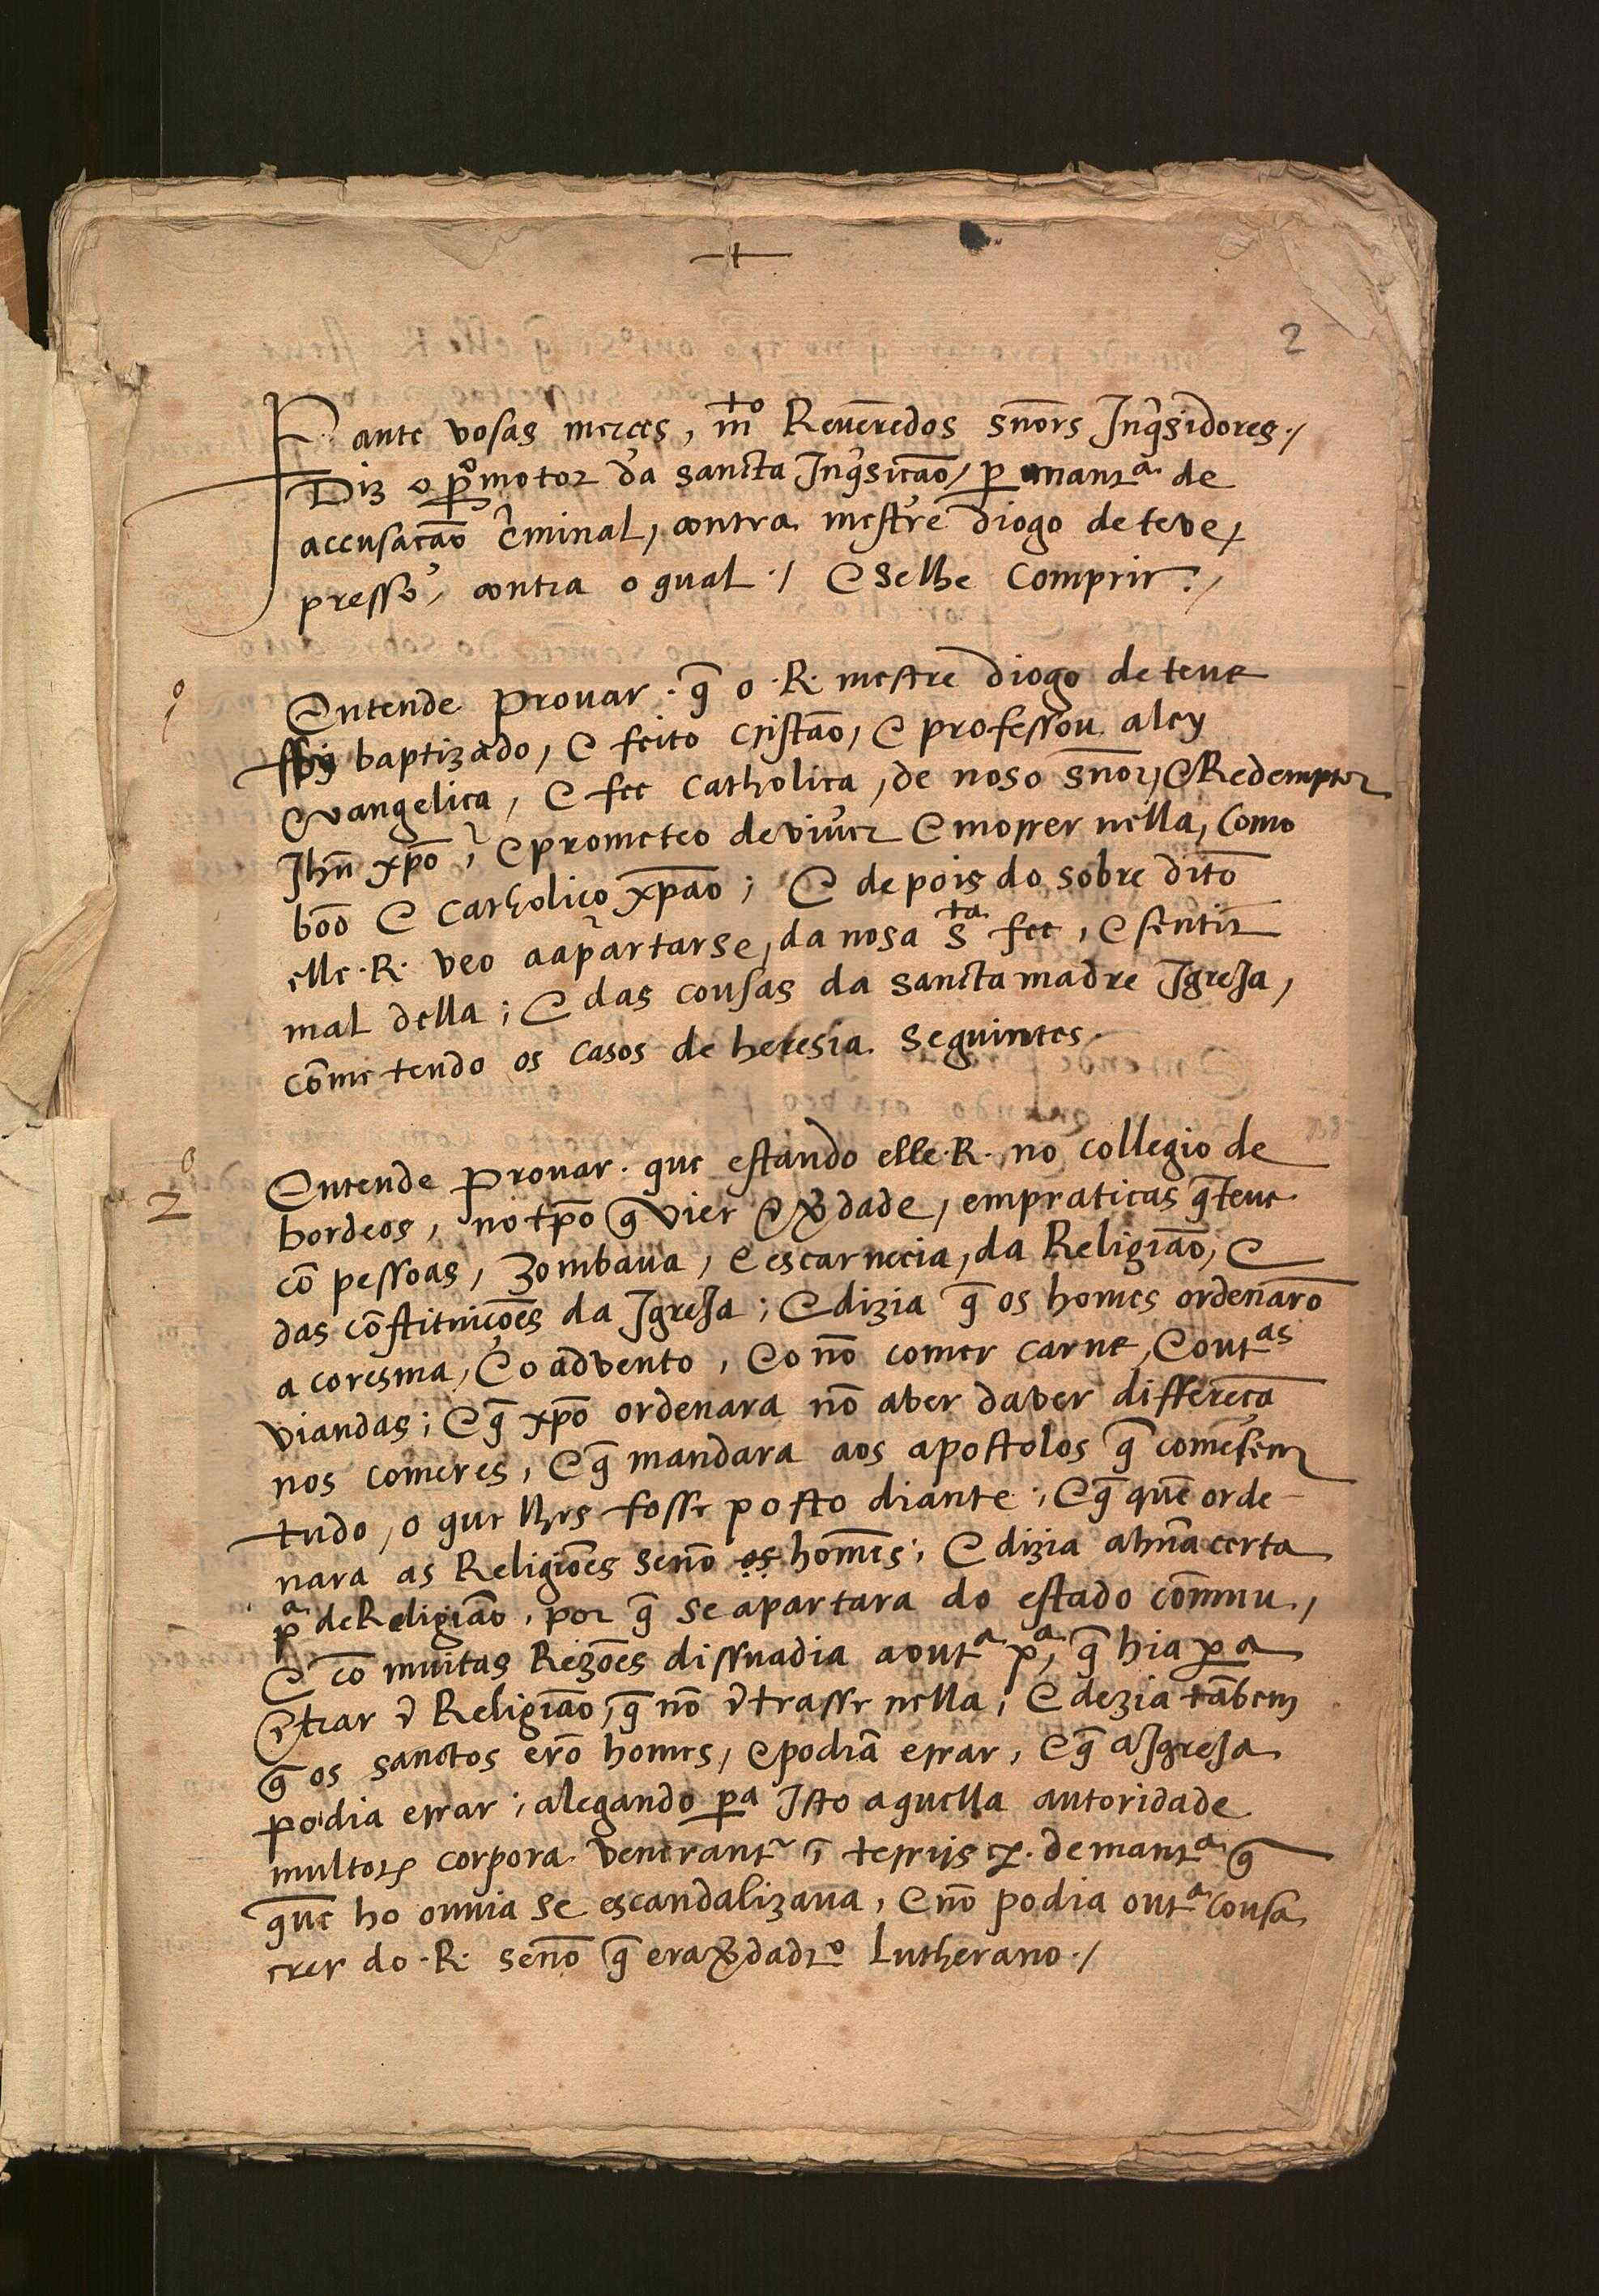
Ꝑante vosas merçes, mto Reu̅eredos s̅nors Jnq̅sidores./
Diz o ꝓomotor da sancta Jnq̅sição/ ꝑ manra de
accusação c̅minaL, contra mestre diogo de teve,
presso, contra o quaL./ e se lhe comprir./
Entende prouar. q̅ o .R. mestre diogo de teue
ffoy baptizado, e feito cristão, e professou a ley
evangelica, e fee catholiça, de noso s̅nor, e Redemptor
Jhu̅ xp̅o, e prometeo de viuer e morrer nella, como
bo̅o e catholiço x̅pao; e depois do sobre di̅to
elle .R. veo a apartarse, da nosa Sta fee, e sentir
maL della; e das cousas da sancta madre Jgreja,
co̅metendo os casos de heresia seguintes.
Entende prouar. que estando elle .R. no collegio de
bordeos, no tp̅o q̅ vier e̅ ꝟdade, em praticas q̅ teue
co̅ pessoas, zombaua, e escarnecia, da Religião, e
das co̅stituições da JgreJa; e dizia q̅ os homes orden̅aro
a coresma, e o advento, e o n̅o comer carne, e outas
viandas; e q̅ xp̅o ordenara n̅o aver daver differ̅eça
nos comeres, e q̅ mandara aos apostolos q̅ comesem
tudo, o que lhes fosse posto diante; e q̅ qu̅e orde
nara as Religio̅es sen̅o os ho̅mes; e dizia a hu̅a certa
pa de Religia̅o, por q̅ se apartara do estado co̅mmu./
e c̅o muitas Rezões dissuadia a outa pa, q̅ hia ꝑa
e̅trar e̅ Religião, q̅ no̅ e̅trasse nella, e dezia ta̅bem
q̅ os sanctos ero̅ homes, e podia̅ errar, e q̅ a JgreJa
podia errar; alegando ꝑa Jsto aquella autoridade
multoc̅ꝭ corpora venerant~ i̅ terrijs ꝑ. de manra q̅
q̅ue ho ouuia se escandalizaua, e n̅o podia outa cousa
crer do .R. sen̅o que era ꝟdadro Lutherano./
